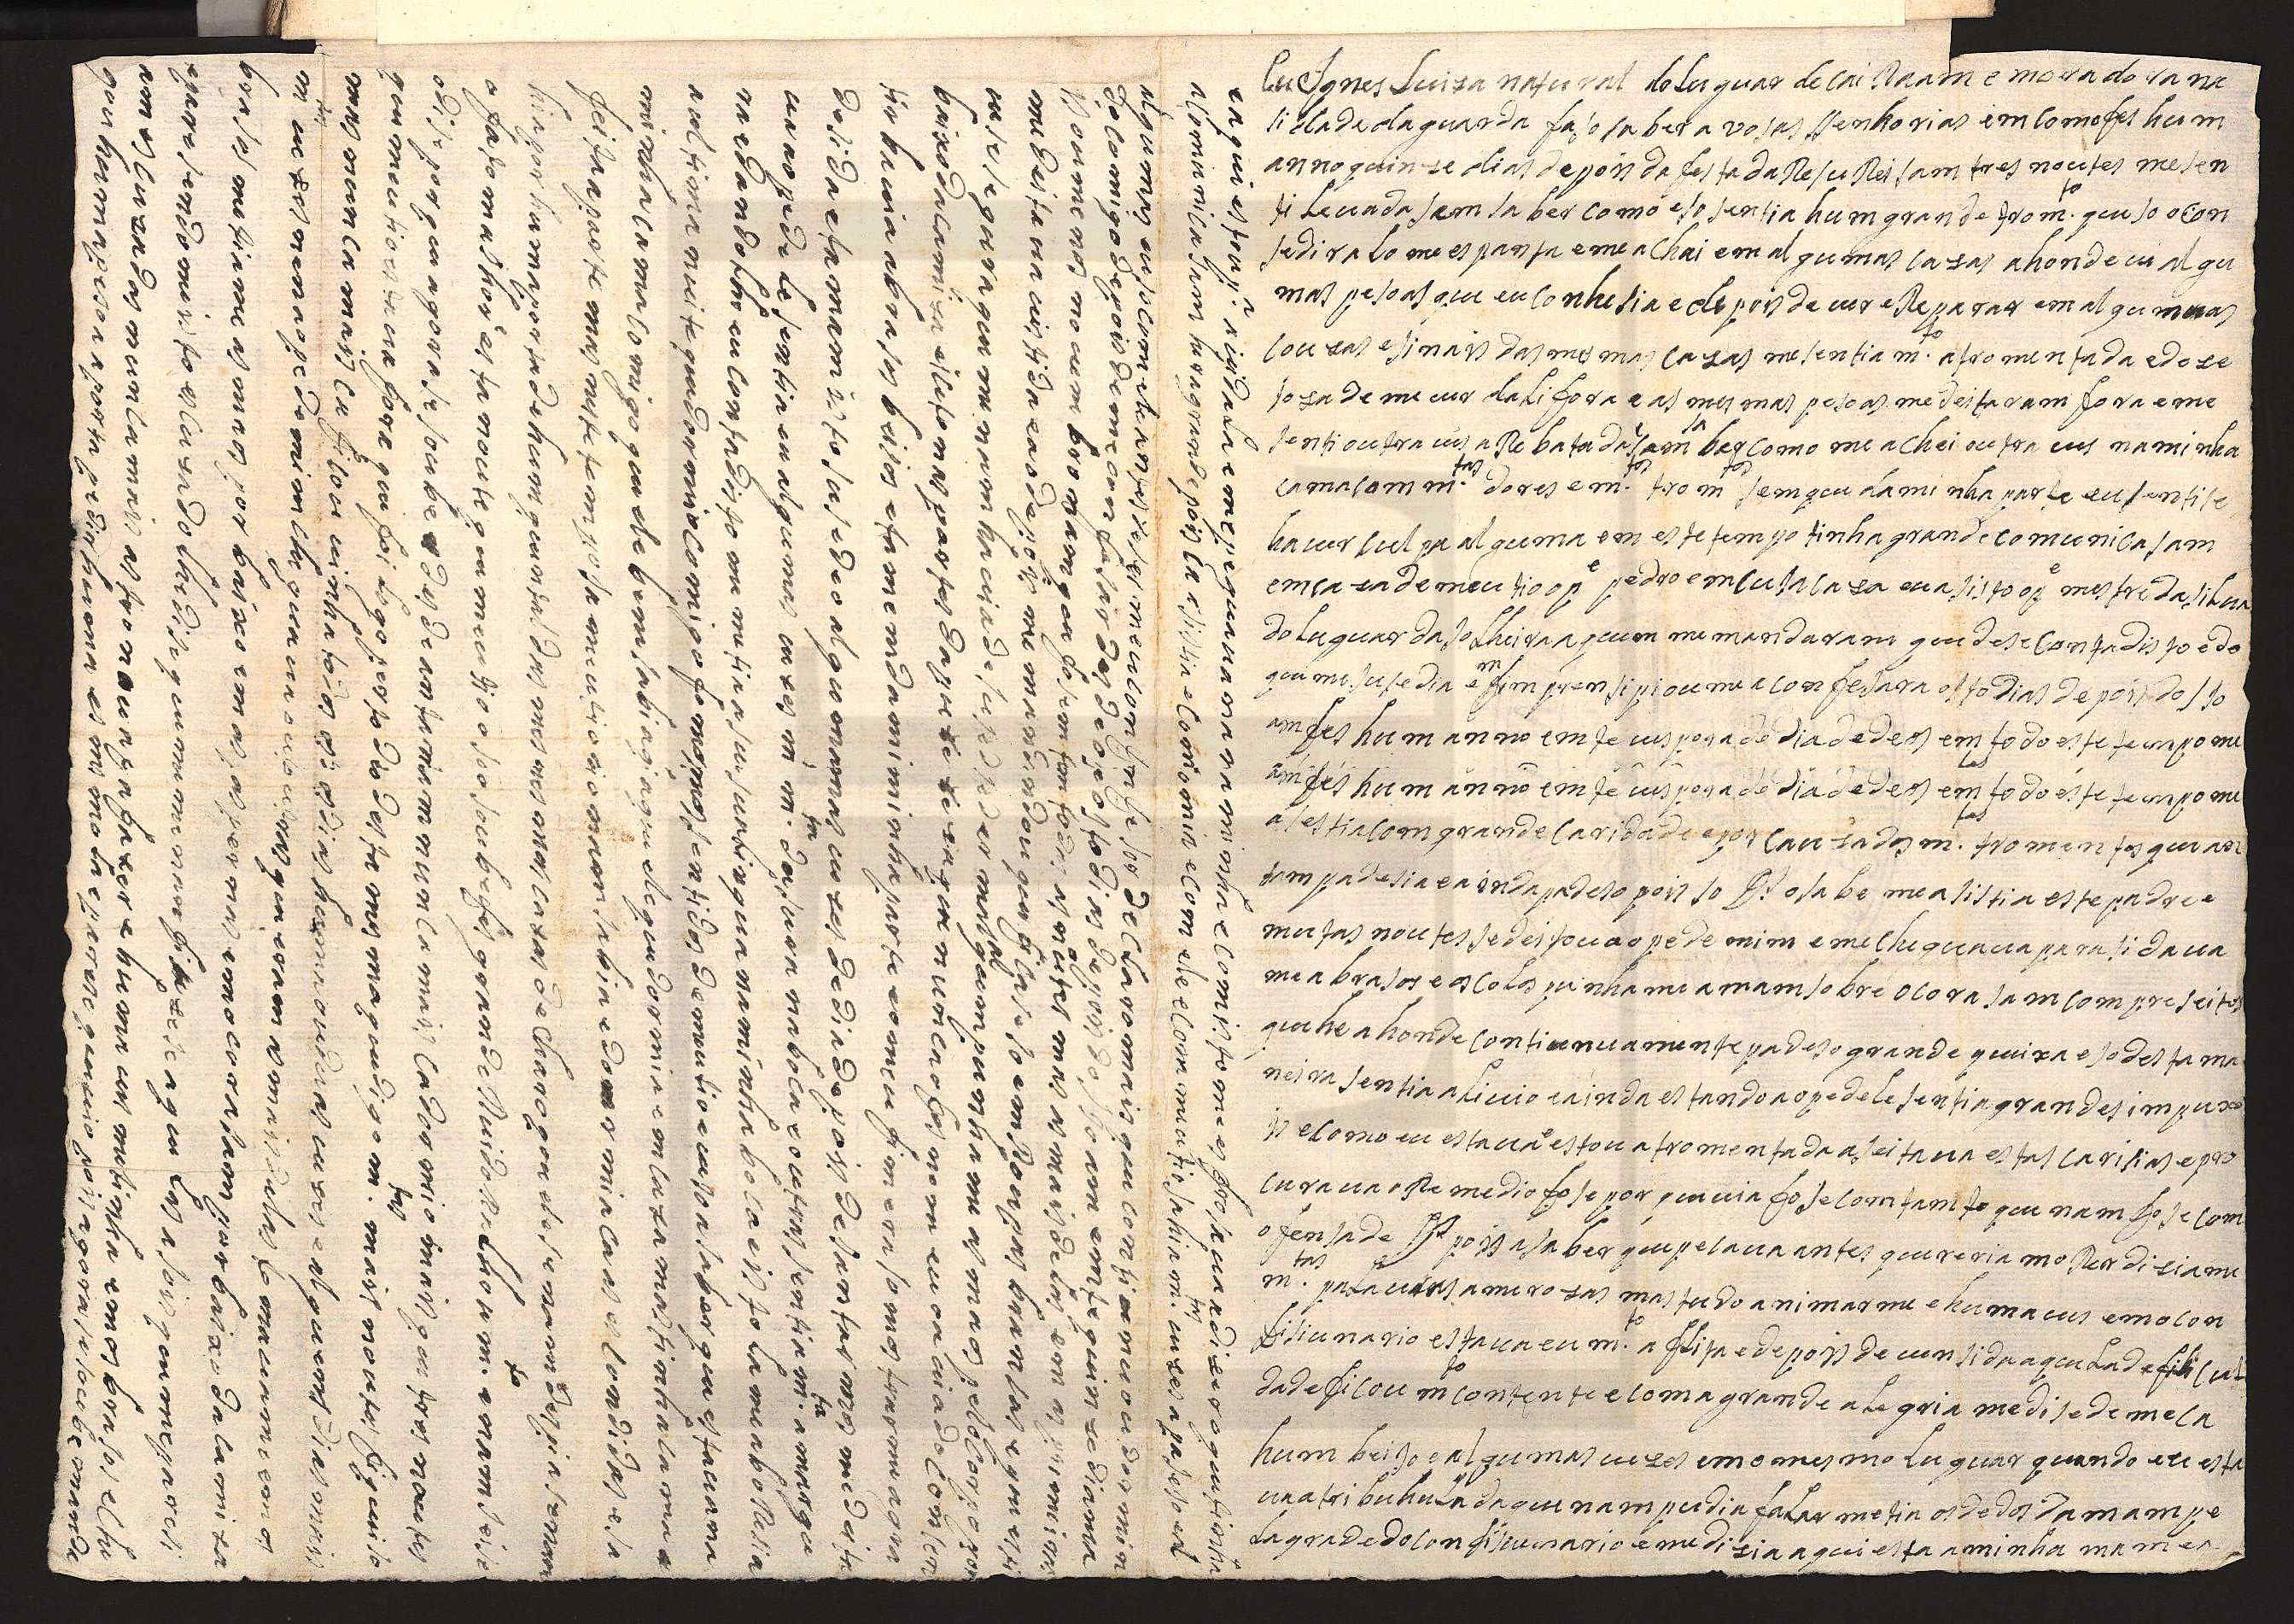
Eu Ignes Luiza natural do luguar de caiRaam e moradora na
sidade da guarda faso saber a vosas ssenhorias em como fes hum
anno quinze dias depois da festa da ResuReisam tres noutes me sen
ti Leuada sam saber como e so sentia hum grande trom.to que so o con
sedira lo me espanta e me achai em algumas casas ahonde ui algu
mas pesoas que eu conhesia e depois de uir e Reparar em algumaas
couzas e sinais das mesmas cazas me sentia m.to atromentada e doze
joza de me uer dali fora e as mesmas pesoas me deitaram fora e me
senti outra ues aRebatada sam saber como me achei outra ues na minha
cama com m.tas dores e m.to tromtos sem qeu da minha parte eu santise
hauer culpa alguma em este tempo tinha grande comunicasam
em caza de meu tio o pe pedro em cuja caza eu asisto o pe mestre da silua
do Luguar da solheira a quem me mandaram que dese conta disto e do
que me susedia emfim prensipioume a confesar a ojto dias depois de s jo
am fes hum anno emte uespora de dia de deos em todo este teempo me
asestia com grande caridade e por cauza dos m.tos tromentos que an
tam padesia e ainda padeso pois so D.s o sabe me asistia este padre e
mutas noutes se deitou ao pe de mim e me cheguaua para si daua
me abrasos, e oscolos punhame a mam sobre o corasam com preseitos
que he ahonde contiunuamente padeso grande queixa e so desta ma
neira sentia aliuio e ainda estando ao pe dele sentia grandes impuxo
is e como eu estaua e estou atromentada aseitaua estas carisias e pro
curaua o Remedio fose por que uia fose comtamto que nam fose com
ofensa de Ds pois a saber que pecaua antes quereria moRer diziame
m.tas palauras amerosas mas tudo animarme e huma ues em o con
fisiunario estaua eu m.to aflita e depois de uensida aquela defiliCul
dade ficou mto contente e com a grande alegria me dise deme ca
hum beijo e algumas uezes em o mesmo luguar quando cre esta
ua atribuhulada que nam pudia falar metia os dedos da mam pe
da grade do comfissiunario e me dizia aqui esta a minha mam es
